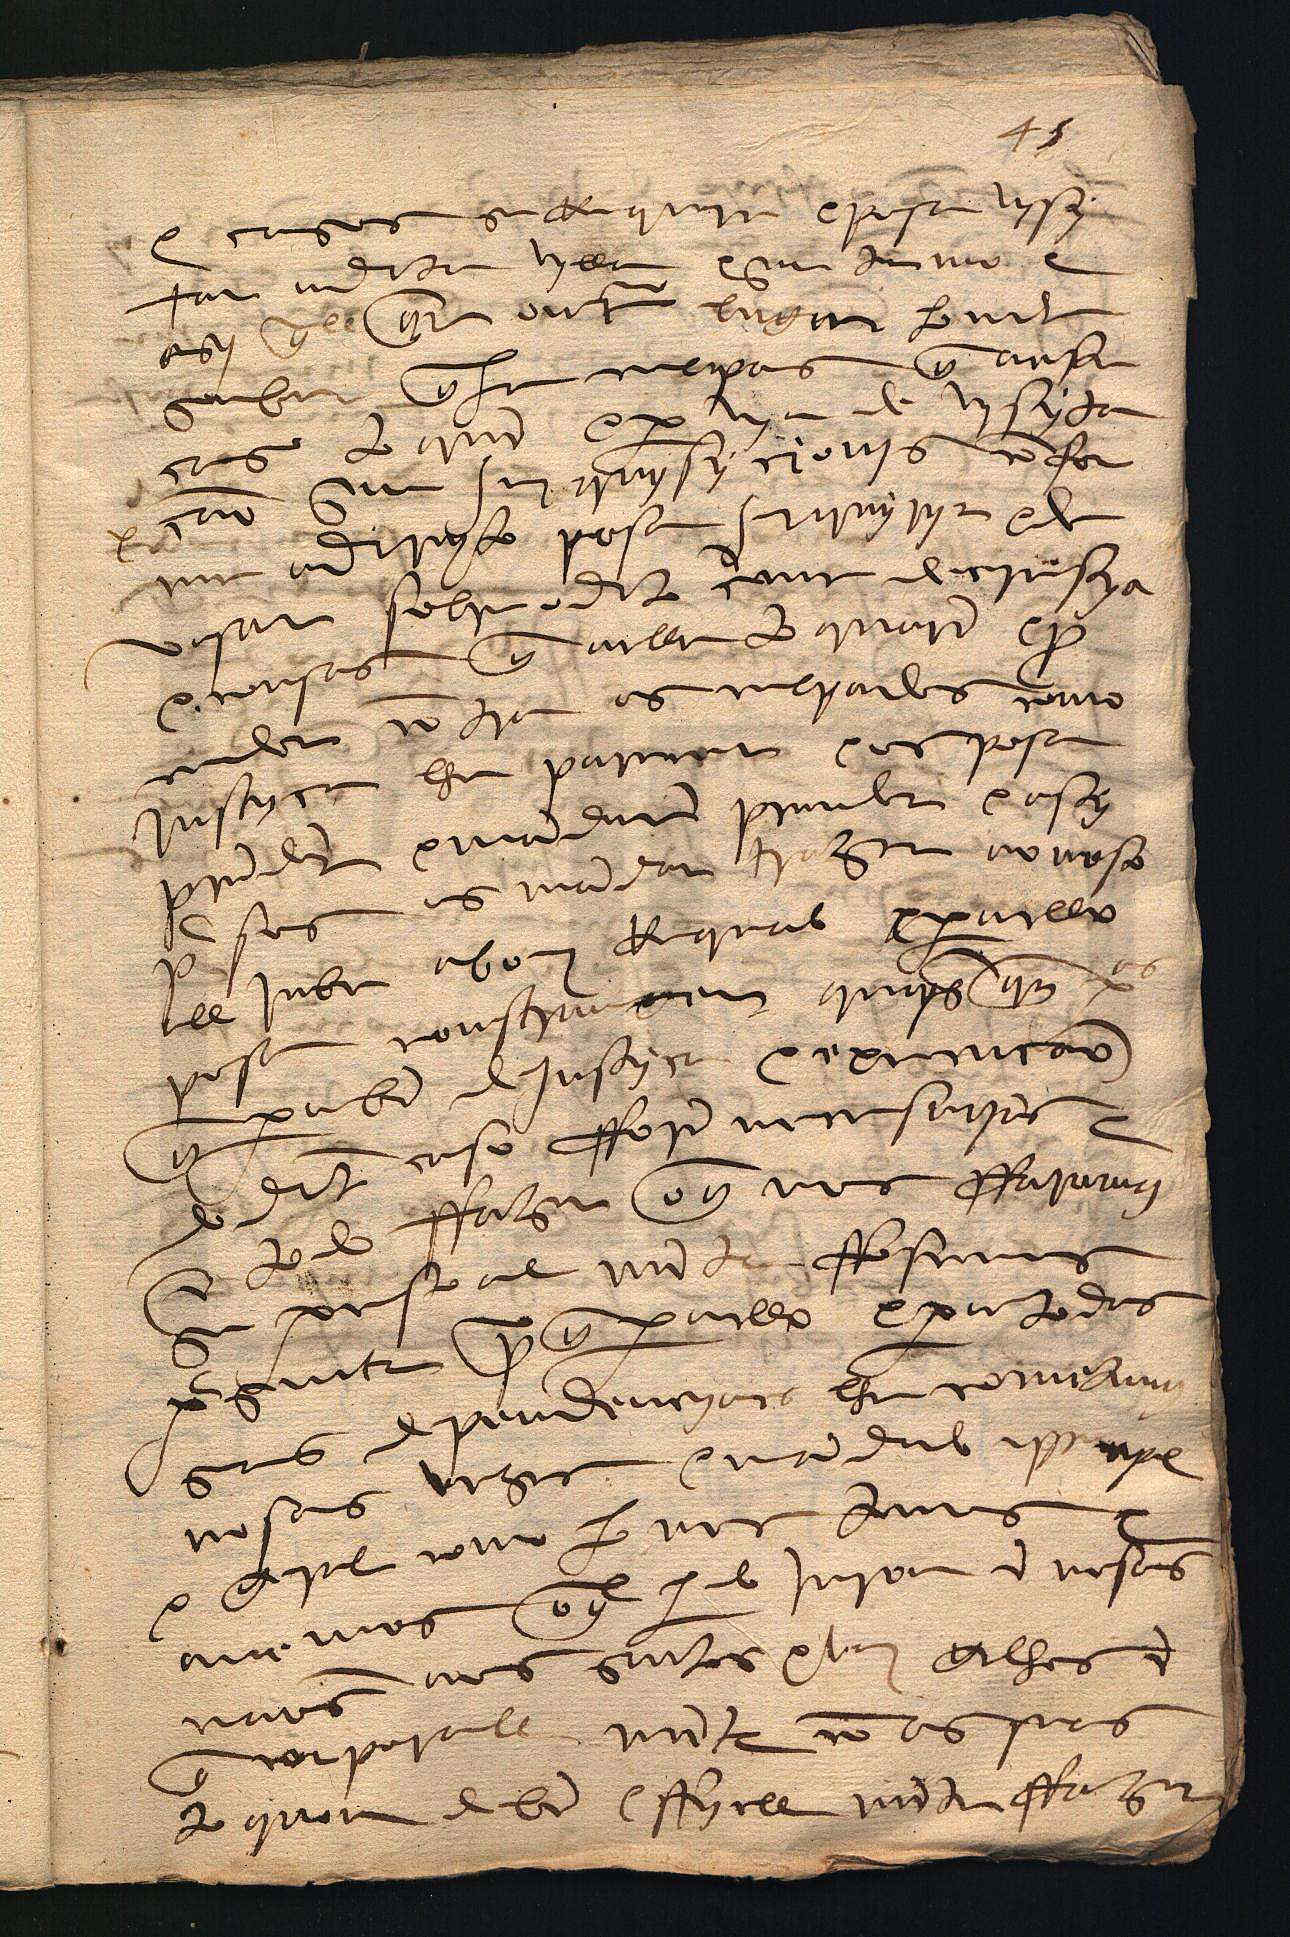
e casos se Requere e posa vysy
tar a dita vylla e seu termo e
asy q̄llq̄r outro lugar honde
souber q̄ ha culpas q̄ a este
caso toquē e ꝑ vya de vysyta
cão seu Jmquysycionjs c̄ofor
me a direyto posa Jmquyryr e de
vasar sobre o dito cime de eresya
e cousas q̄ a elle toquarē e ꝓ
ceder c̄otra os culpados como
Justyça lhe pareçer e os posa
prēder e mādar prender e asy
p̄sos os mādar trazer ao noso
allJube a bom Requado e ꝑa ello
posa comstranger quaysq̄r pas
q̄ ꝑa bē de Justyca e execução
do dito caso fforē necesarjas e
ē todo ffazer o q̄ nos ffariamꝯ
se pesoalmēte ffosemos
p̄sente p̄oq̄ ꝑa ello e ꝑa todas
suas dependencyas lhe cometemꝯ
nosas vezes e mādado especjal
e geral como ho nos temos e
auemos o q̄l Ldo Jurou ē nosas
maõs aos santos evamgelhos ē
q̄ corporallmēte c̄o as suas
toquou de bē e ffyellmēte ffazer
